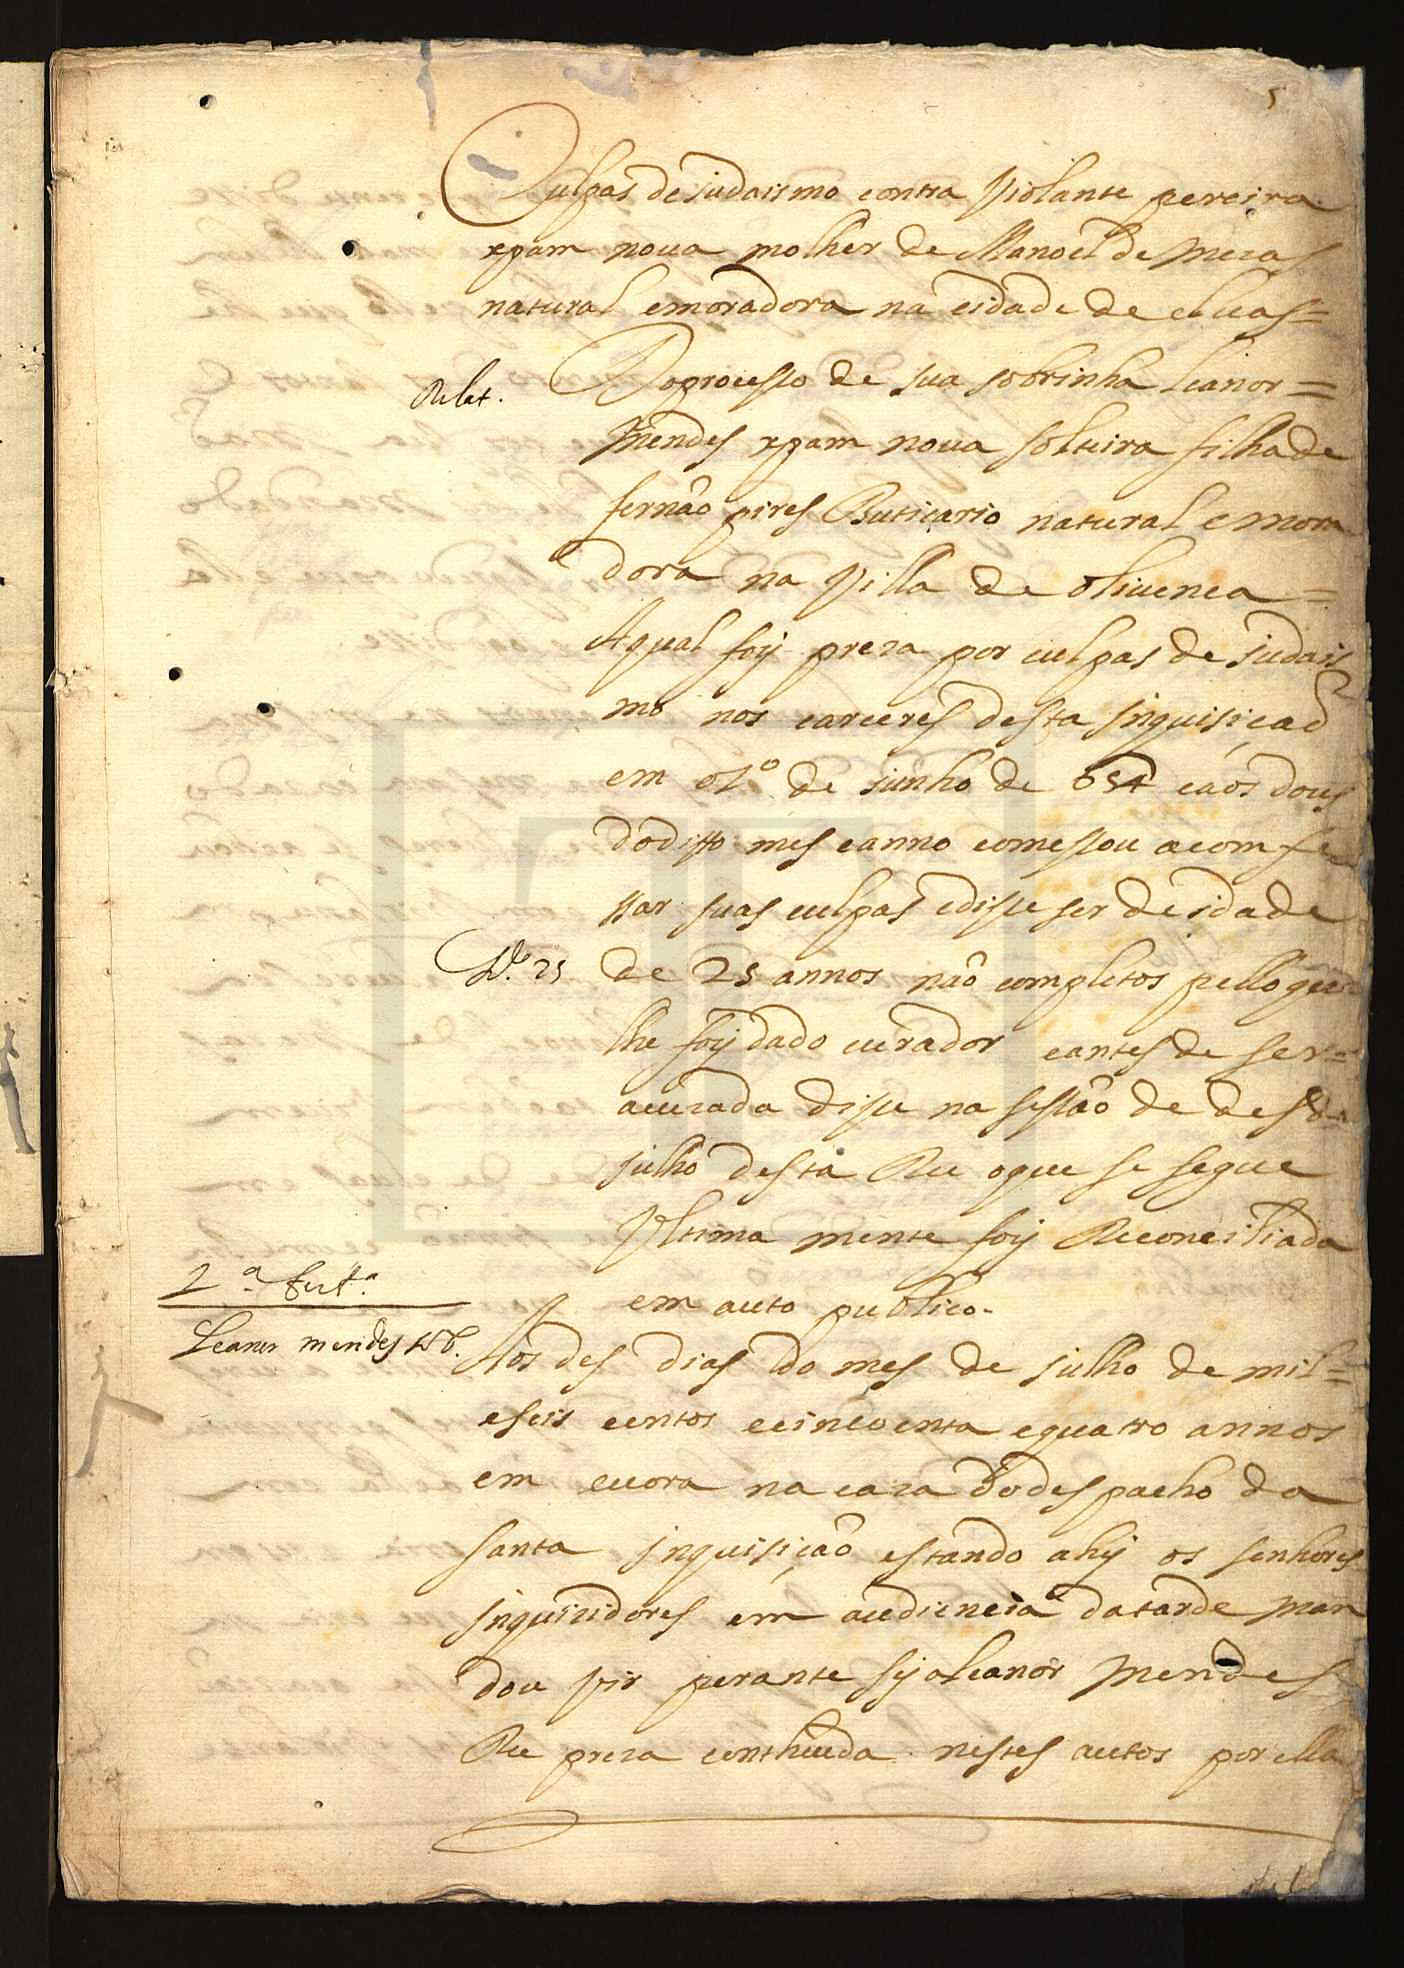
Culpas de iudaismo contra Violante pereira
xpam noua molher de Manoel de mezas
natural e moradora na cidade de eluas.
Do processo de sua sobrinha Leanor
Delat.
mendes xpam noua solteira filha de
fernão pires Buticario natural e mora
dora na Villa de oliuenca
A qual foy preza por culpas de iudais
mo nos carceres desta Jnquisiçaõ
em o 1o de iunho de 654 e aos dous
do ditto mes e anno comessou a comfe
ssar suas culpas e disse ser de idade
I.de 25
de 25 annos naõ completos pello que
lhe foy dado curador e antes de ser
acuzada disse na sessaõ de des de
julho desta Ree o que se segue
Vltimamente foy Reconciliada
em auto publico.
2.a feit.a
Leanor mendes solt.
Aos des dias do mes de julho de mil
e seiscentos e cincoenta e quatro annos
em euora na casa do despacho da
santa jnquisiçaõ estando ahy os senhores
Jnquizidores em audiencia da tarde man
dou vir perante sy a Leanor mendes
Ree preza contheuda nestes autos por ella
